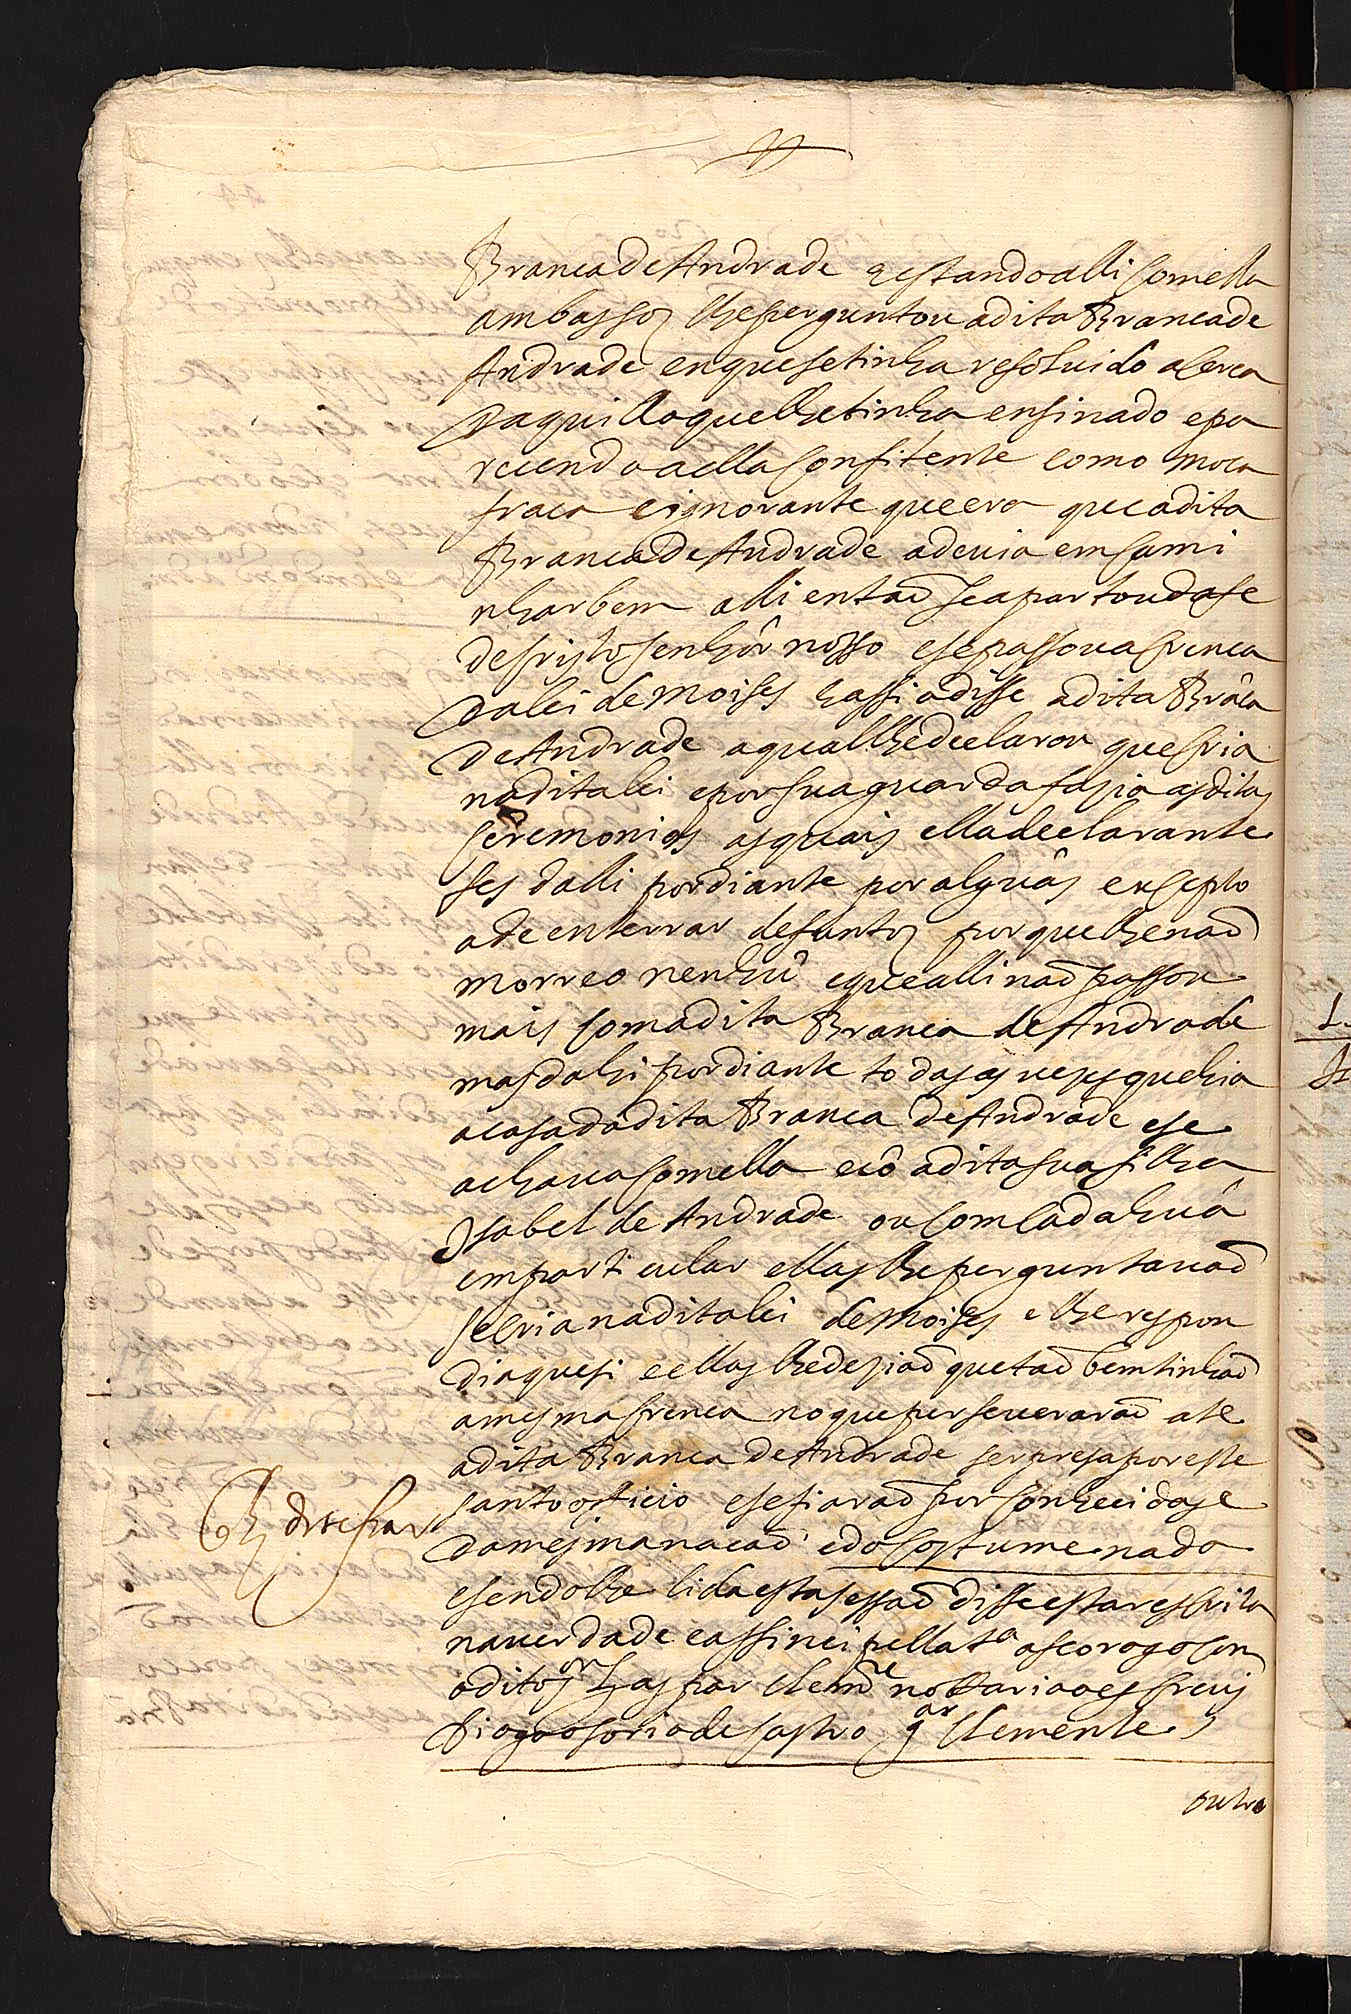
Branca de Andrade E estando alli Com ella
ambas sos lhe perguntou a dita Branca de
Andrade en que se tinha resoluido aCerca
Daquillo que lhe tinha ensinado e pa
recendo a ella Confitente como moca
fraca e ignorante que era que a dita
Branca de Andrade a deuia emCami
nhar bem alli entaõ se apartou da fe
de Cristo Senhor̄ nosso e se passou a Crenca
da lei de Moises E assi o disse a dita Brāca
de Andrade a qual lhe declarou que Cria
na dita lei e por sua guarda fazia as ditas
Ceremonias as quais ella declarante
fes dalli por diante por alguās exCepto
a de enterrar defuntos porque lhe não
morreo nenhū e que alli não passou
mais Com a dita Branca de Andrade
mas dahi por diante todas as uezes que hia
a casa da dita Branca de Andrade e se
achaua Com ella e cō a dita sua filha
Jsabel de Andrade ou Com Cada huā
em particular ellas lhe perguntauaõ
se cria na dita lei de Moises e lhe respon
dia que si e ellas lhe deziaõ que tãobem tinhão
a mesma Crenca no que perseuerarão ate
a dita Branca de Andrade ser presa por este
santo officio e se fiarão por Conhecidas e
da mesma nacaõ e do Costume nada
Rz de se fiar
e sendolhe lida esta sessaõ disse estar esCrita
na uerdade e assinei pella ta a seo rogo Com
o dito sor Gaspar clemte nottario o esCreuj
Diogo osorio de Castro gar CLemente
outro
